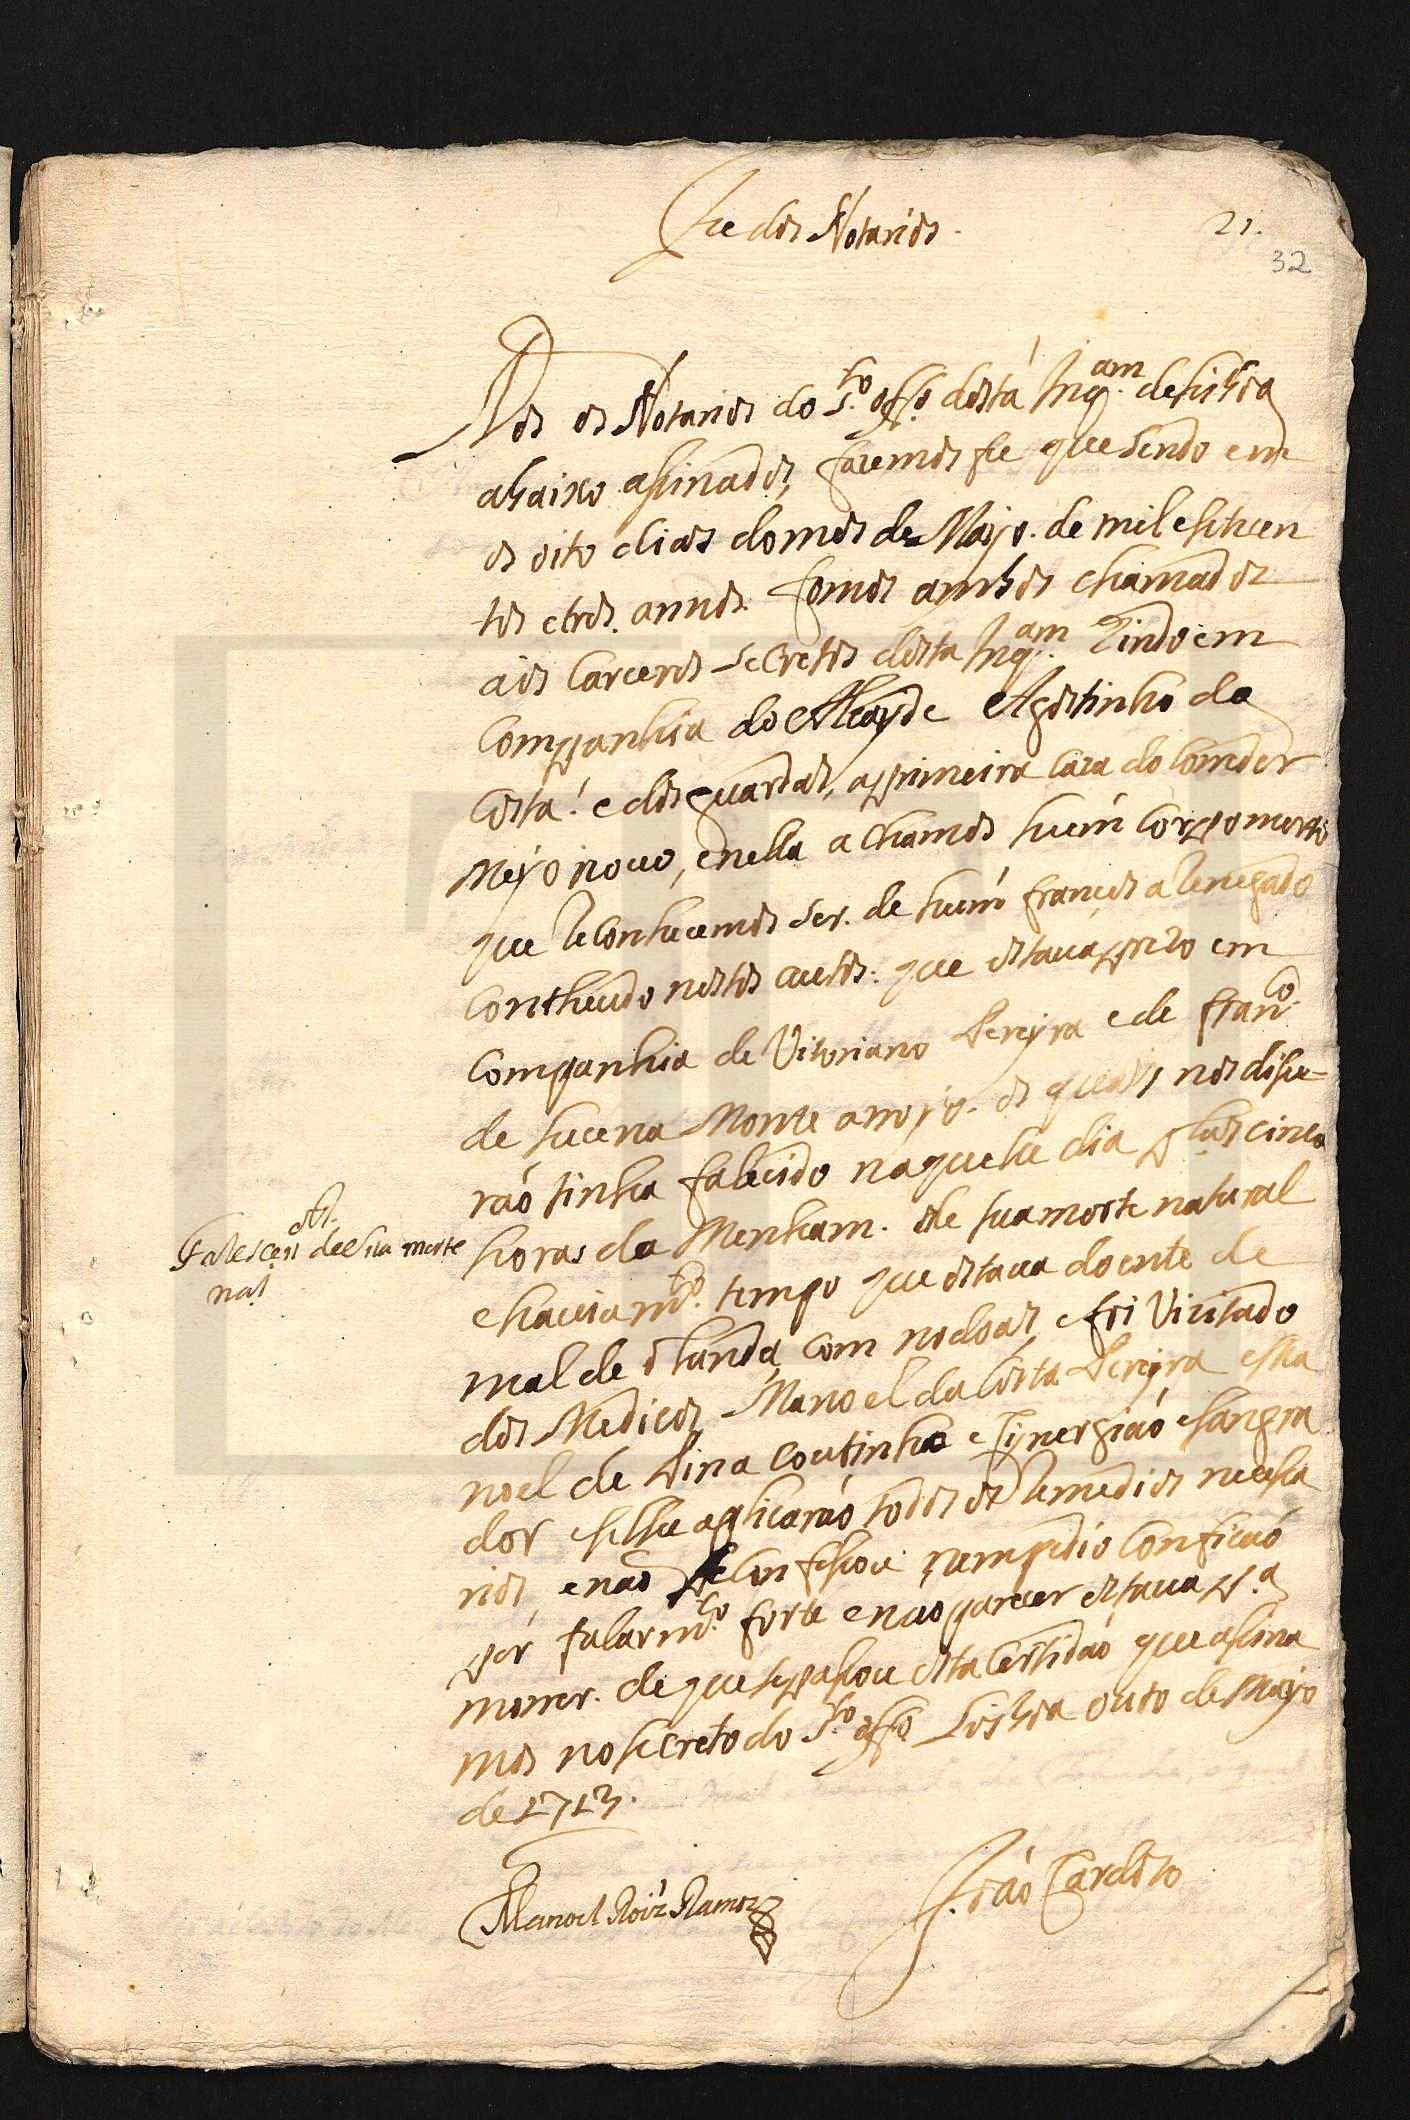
Fee dos Notarios
Nos os Notarios do s.to off.o desta Inq.am de Lisboa
abaixo assinados, fazemos fee que sendo em
os oito dias do mes de Mayo de mil e setecen
tos e tres annos fomos ambos chamados
aos carceres secretos desta Inqam. hindo em
companhia do Alcayde Agostinho da
Costa e dos guardas, a primeira caza do corredor
meyo nouo, e nella achamos hum corpo morto
que Reconhecemos ser de hum françes aRenegado
contheudo nestes autos: que estaua prezo em
companhia de Vitoriano Pereyra e de franco.
de Lucena Monte arroyo. os quaes nos disse
raõ tinha falecido naquelle dia p.las cinco
o R.
Falesceu de Sua morte
horas da menham. de sua morte natural
e hauia mto. tempo que estaua doente de
na.l
mal de Olanda, com nodoas e foi Vizitado
dos Medicos Manoel da Costa Pereyra e Ma
noel de Pina coutinho e Cyrurgiaõ e sangra
dor e se lhe aplicaraõ todos os Remedios necessa
rios, e naõ se confessou nem pedio confiçaõ
por falar m.to forte e não parecer estaua p.a
morrer de que se passou esta certidaõ que assina
mos no secreto do s.to offo Lisboa outo de Mayo
de 1713.
Joaõ Cardozo
Manoel Roiz̄ Ramos
